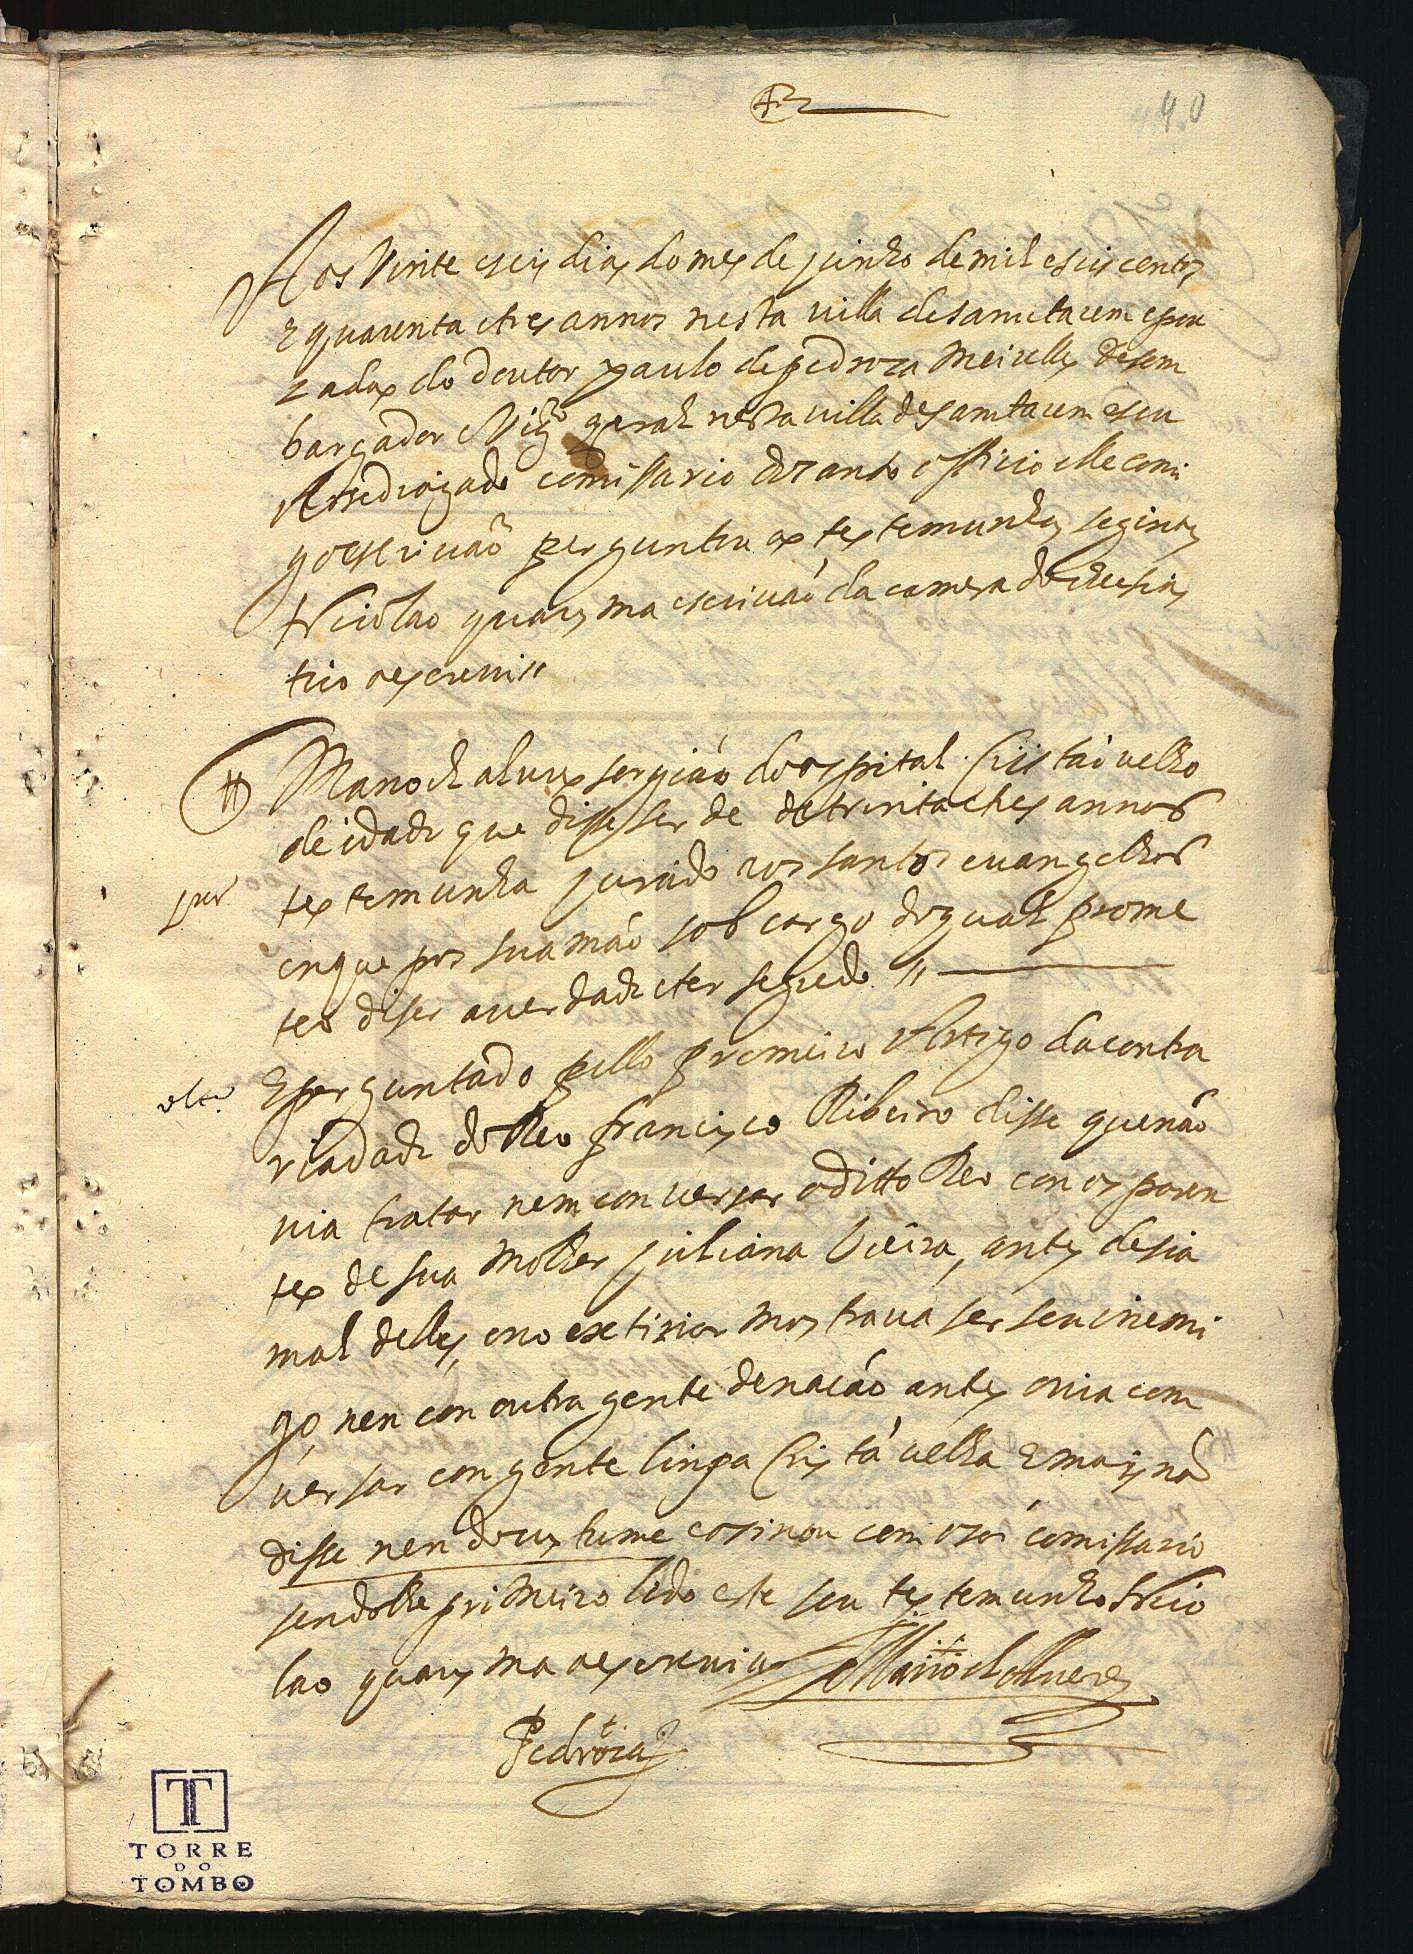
Aos vinte e seis dias do mes de junho de mil e seiscentos
E quarenta e tres annos nesta uilla de samctarem e pou
zadas do doutor paulo de pedroza meirelles desem
bargador e Vigro geral nesta uilla de samtarem e seu
Arsediagado comissario do santo officio elle comi
go escriuaõ perguntou as testemunhas segintes
Nicolao quaresma escriuaõ da camera do Ecesias
tico o escreui //
item Manoel alurs sergiaõ do ospital Cristaõ uelho
de idade que disse ser de de trinta e tres annos
testemunha jurado aos santos euangelhos
en que pos sua maõ sob cargo do qual prome
teo diser a uerdade e ter segredo //
E perguntado pello primeiro Artigo da contra
riadade do Reo francisco Ribeiro disse que naõ
uia tratar nem conuersar o ditto Reo con os paren
tes de sua molher juliana Vieira, antes desia
mal delles, e no extirior mostraua ser seu inemi
go, nem con outra gente de nacaõ antes o uia com
uersar con gente linpa Cristã uelha E mais naõ
disse nen do custume e asinou com o sor̄ comissario
sendolhe primeiro lido este seu testemunho Nico
lao quaresma o escreui
jur
vlta.
